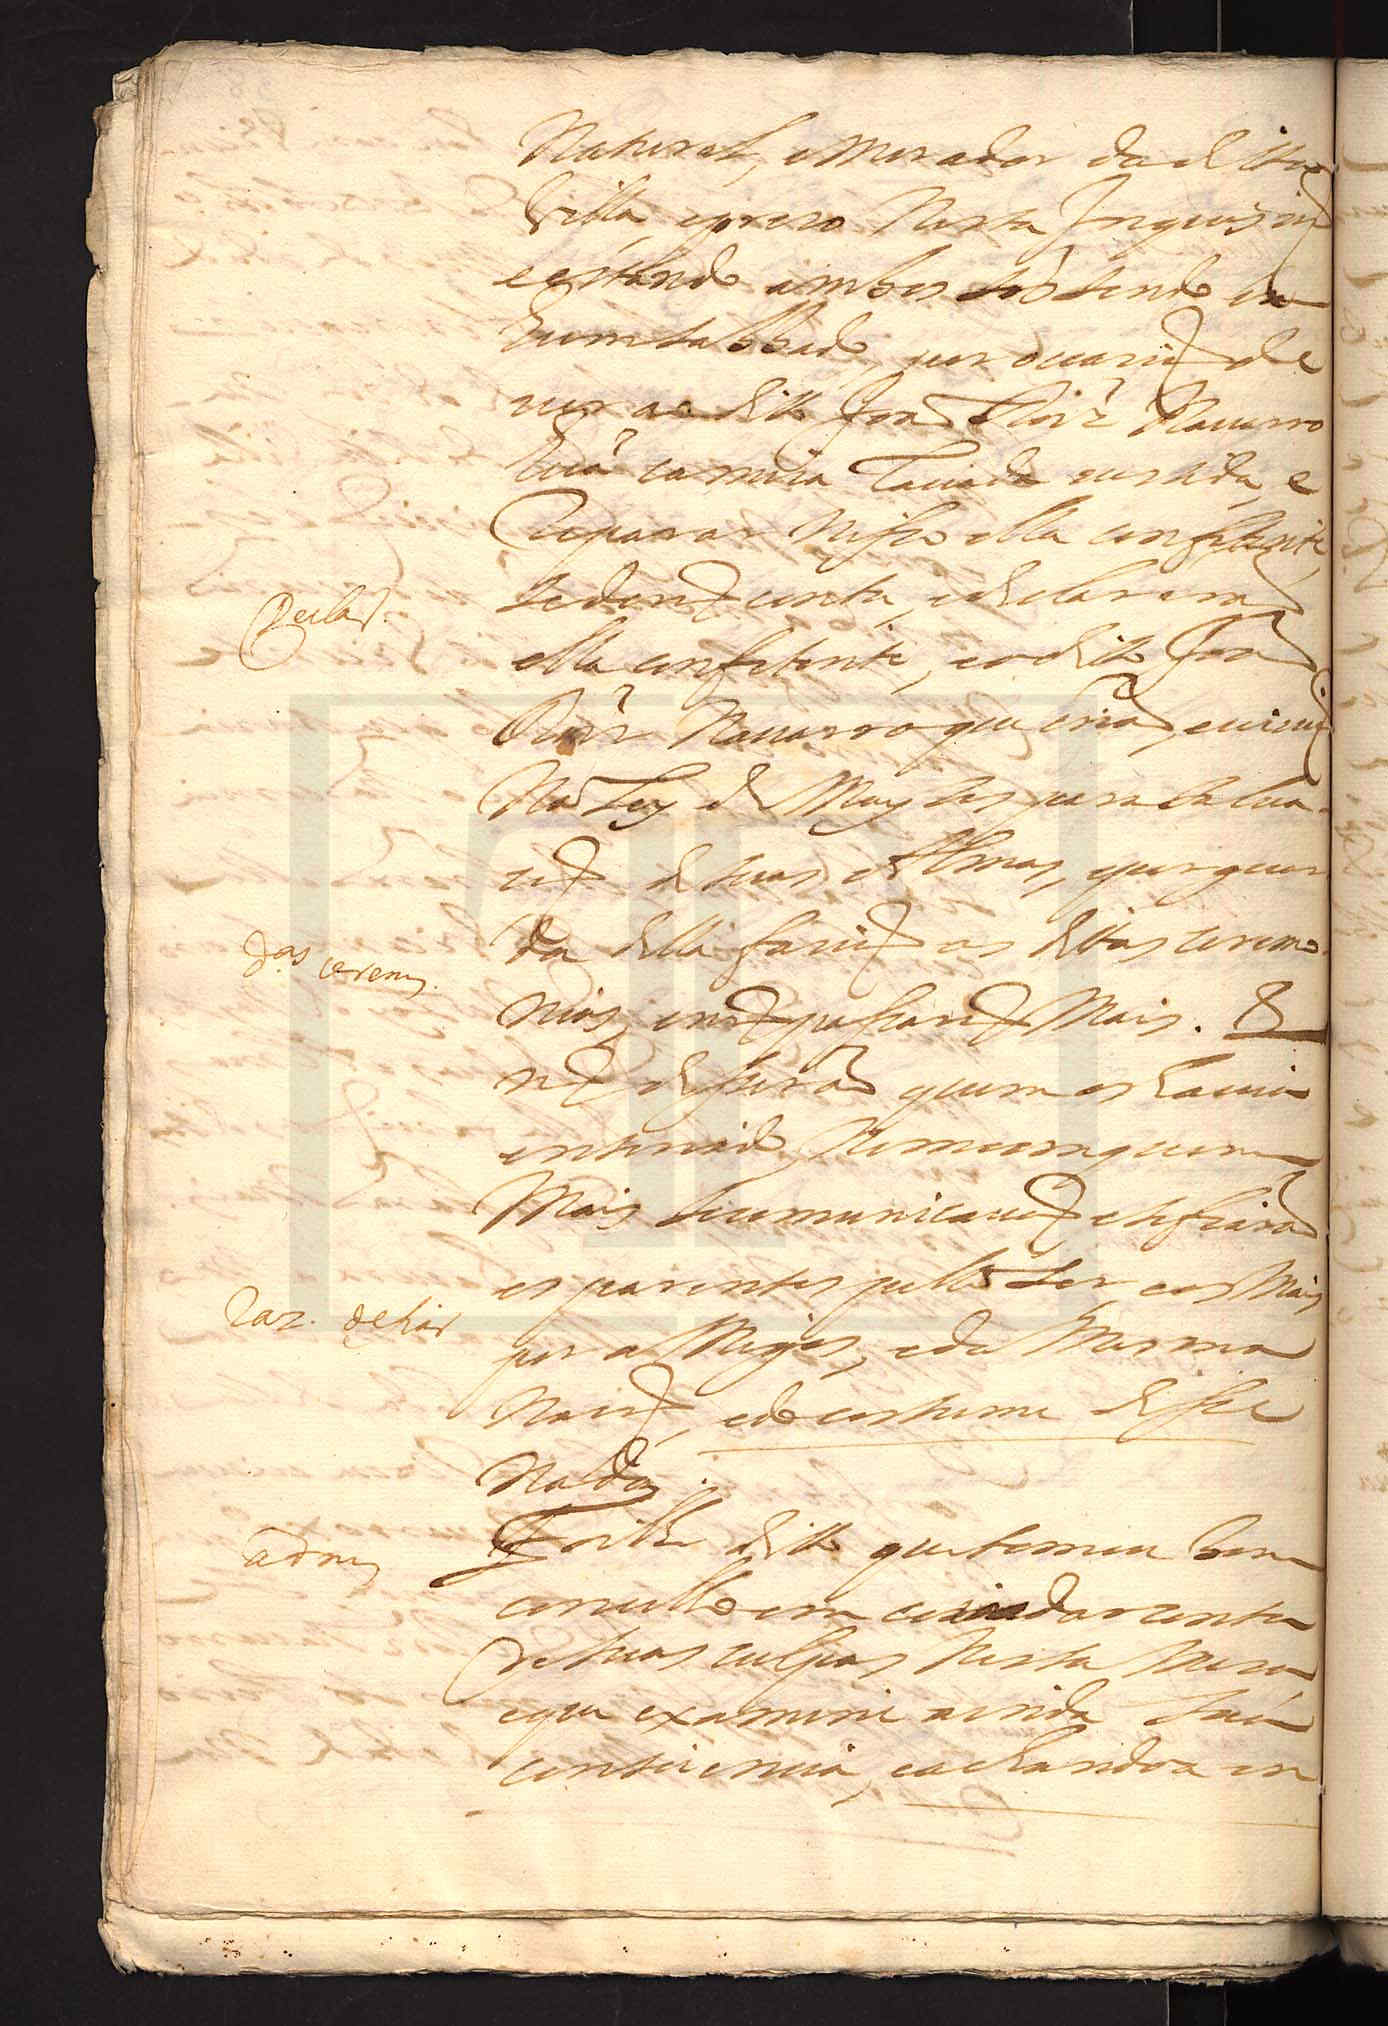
Natural, e morador da ditta
Villa, e prezo nesta Jnquizição
e estando ambos sos̄ sendo em
hum sabbado, por occaziaõ de
uer ao dito Joaõ Roiz̄ Nauarro
huā camiza lauada uestida, e
Reparar nisso ella confitente,
se deraõ conta e declaraõ
Declar.
ella confitente, e o dito Joaõ
Roiz̄ Nauarro que criaõ, e uiuiaõ
Na Ley de Moyses para salua
çaõ de suas Almas, e por guar
da della faziaõ as dittas ceremo
d.as cerem
nias, e naõ passaraõ mais. E
naõ diseraõ quem os hauia
ensinado, nem com quem
mais se comunicauaõ, e se fiaraõ
os parentes pello ter e os mais
Raz. de fiar
por amigos, e da mesma
naçaõ, e do costume disse
nada
Foilhe ditto que tomou bom
adm
concelho em uir dar conta
de suas culpas nesta meza
e que examine ainda sua
consciencia, e achandoa en
